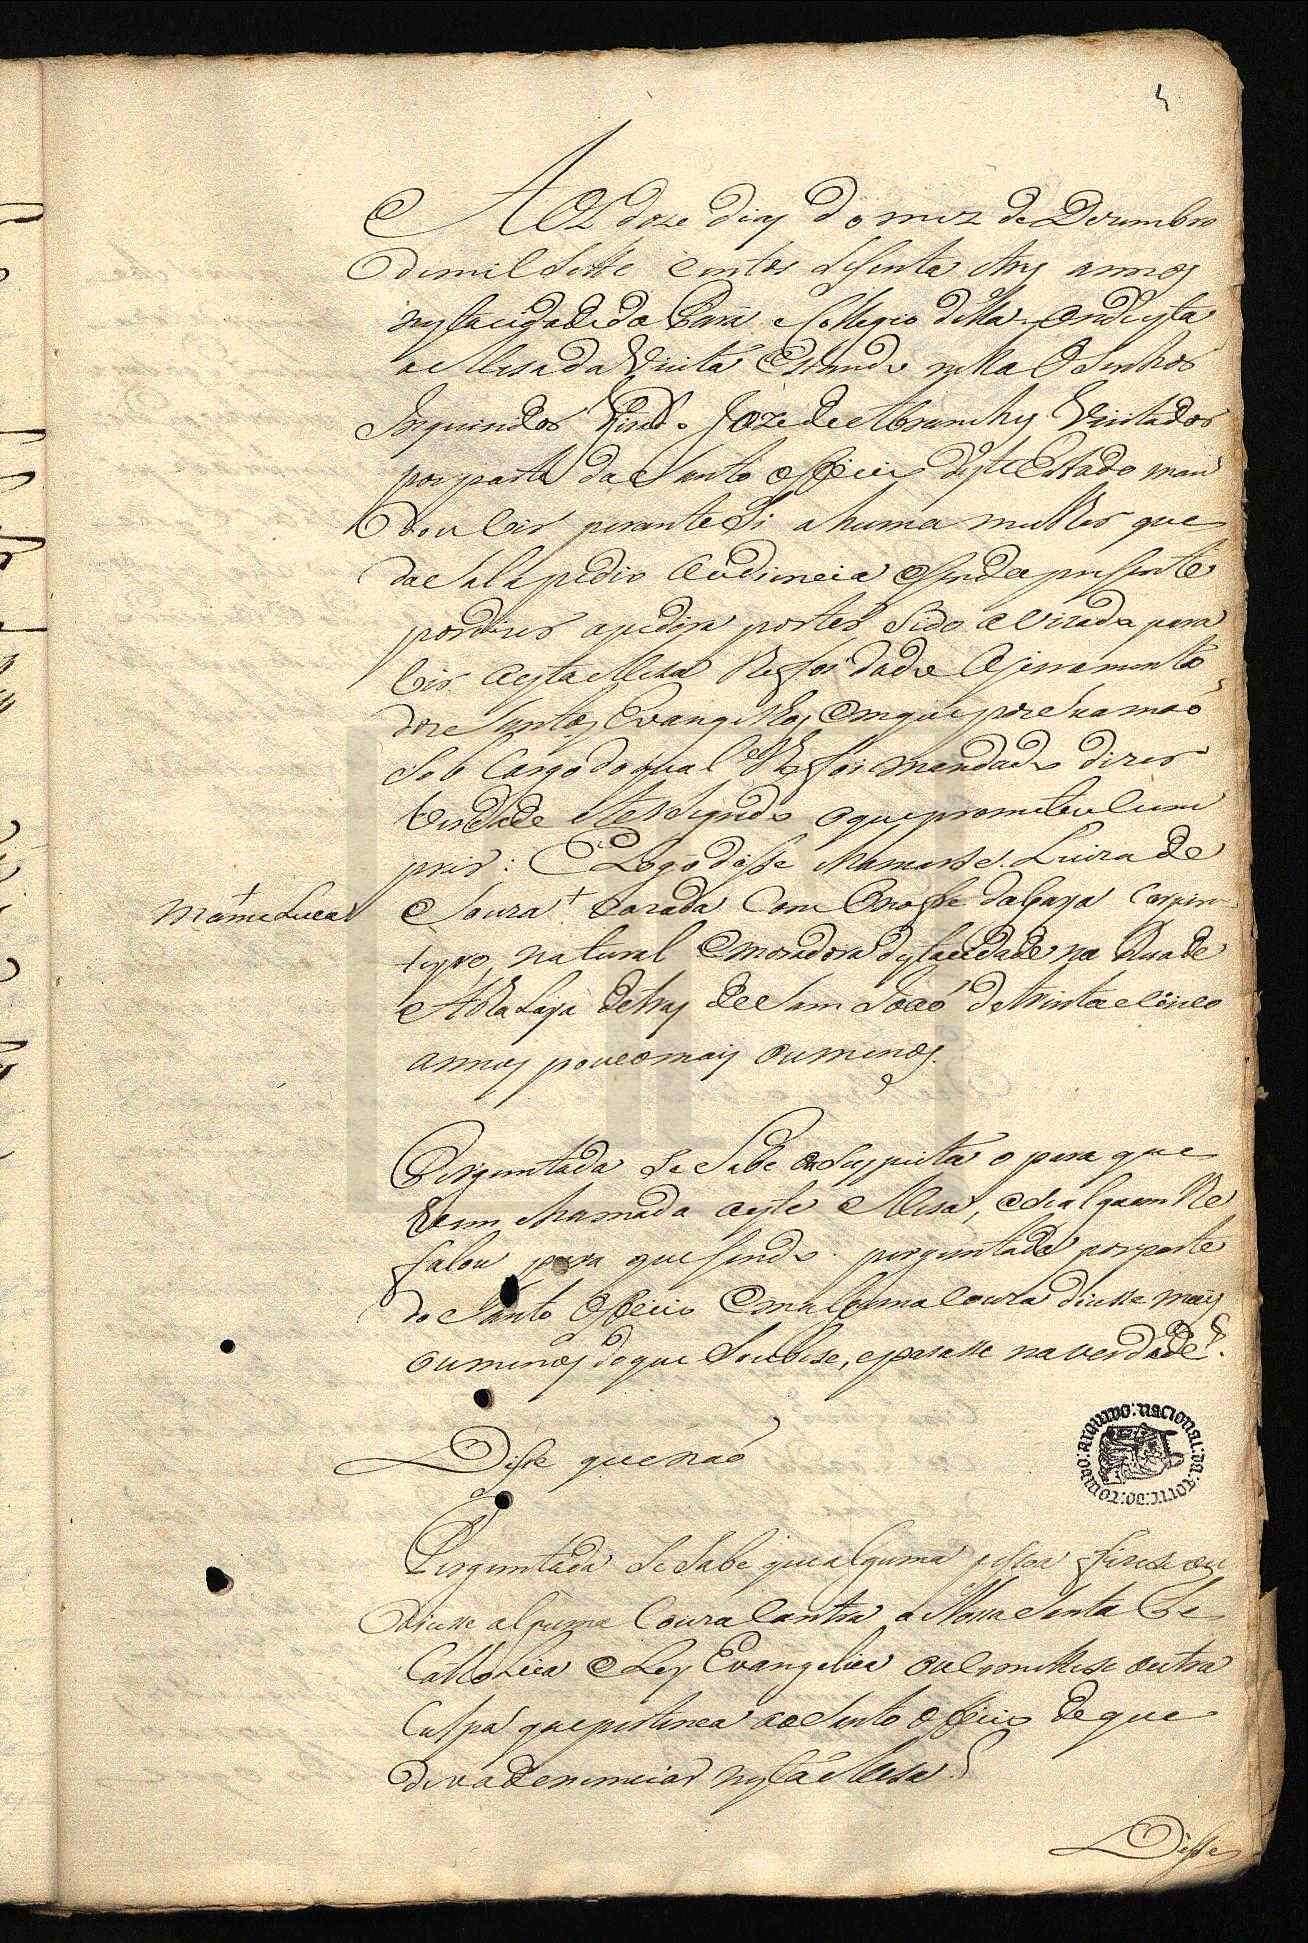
MameLuca
4
Aos doze dias do mez de Dezembro
de mil e Sette centos sesenta e tres annos
nesta cidade do Pará e Collegio della onde esta
a Mesa da Vizita estando nella O senhor
Inquisidor Giraldo Joze de Abranches Visitador
por parte da Santo oficio deste Estado man
dou vir perante Si a huma mulher que
da sala pedio audiencia e sendo presente
por dizer a pedira por ter sido avizada para
vir aesta Mesa lhe foi dado o juramento
dos santos Evangelhos em que poz sua maõ
sob cargo do qual lhe foi mandado dizer
verdade e ter segredo o que prometeu cum
prir: E Logo disse chamarse. Luiza de
Souza + cazada com Onofre da Gaya carpin
teyro, natural e moradora desta cidade na Rua de
AthaLaya detras de sam Ioaõ de trinta e cinco
annos pouco mais ou menos.
Perguntada se sabe ou suspeita o para que
vem chamada a este Mesa, e se alguem lhe
falou p_ra que sendo perguntada por parte
do santo Officio em alguma couza dicesse mais
ou menos do que Soubesse, e pasasse na verdade?
Dise que naõ
Perguntada se sabe que alguma pessoa fizese ou
dicesse alguma Couza contra a Nossa Santa Fe
CathoLica e Ley Evangelica ou comettese outra
culpa que pertenca ao santo officio de que
deva denunciar nesta Mesa?
Disse
